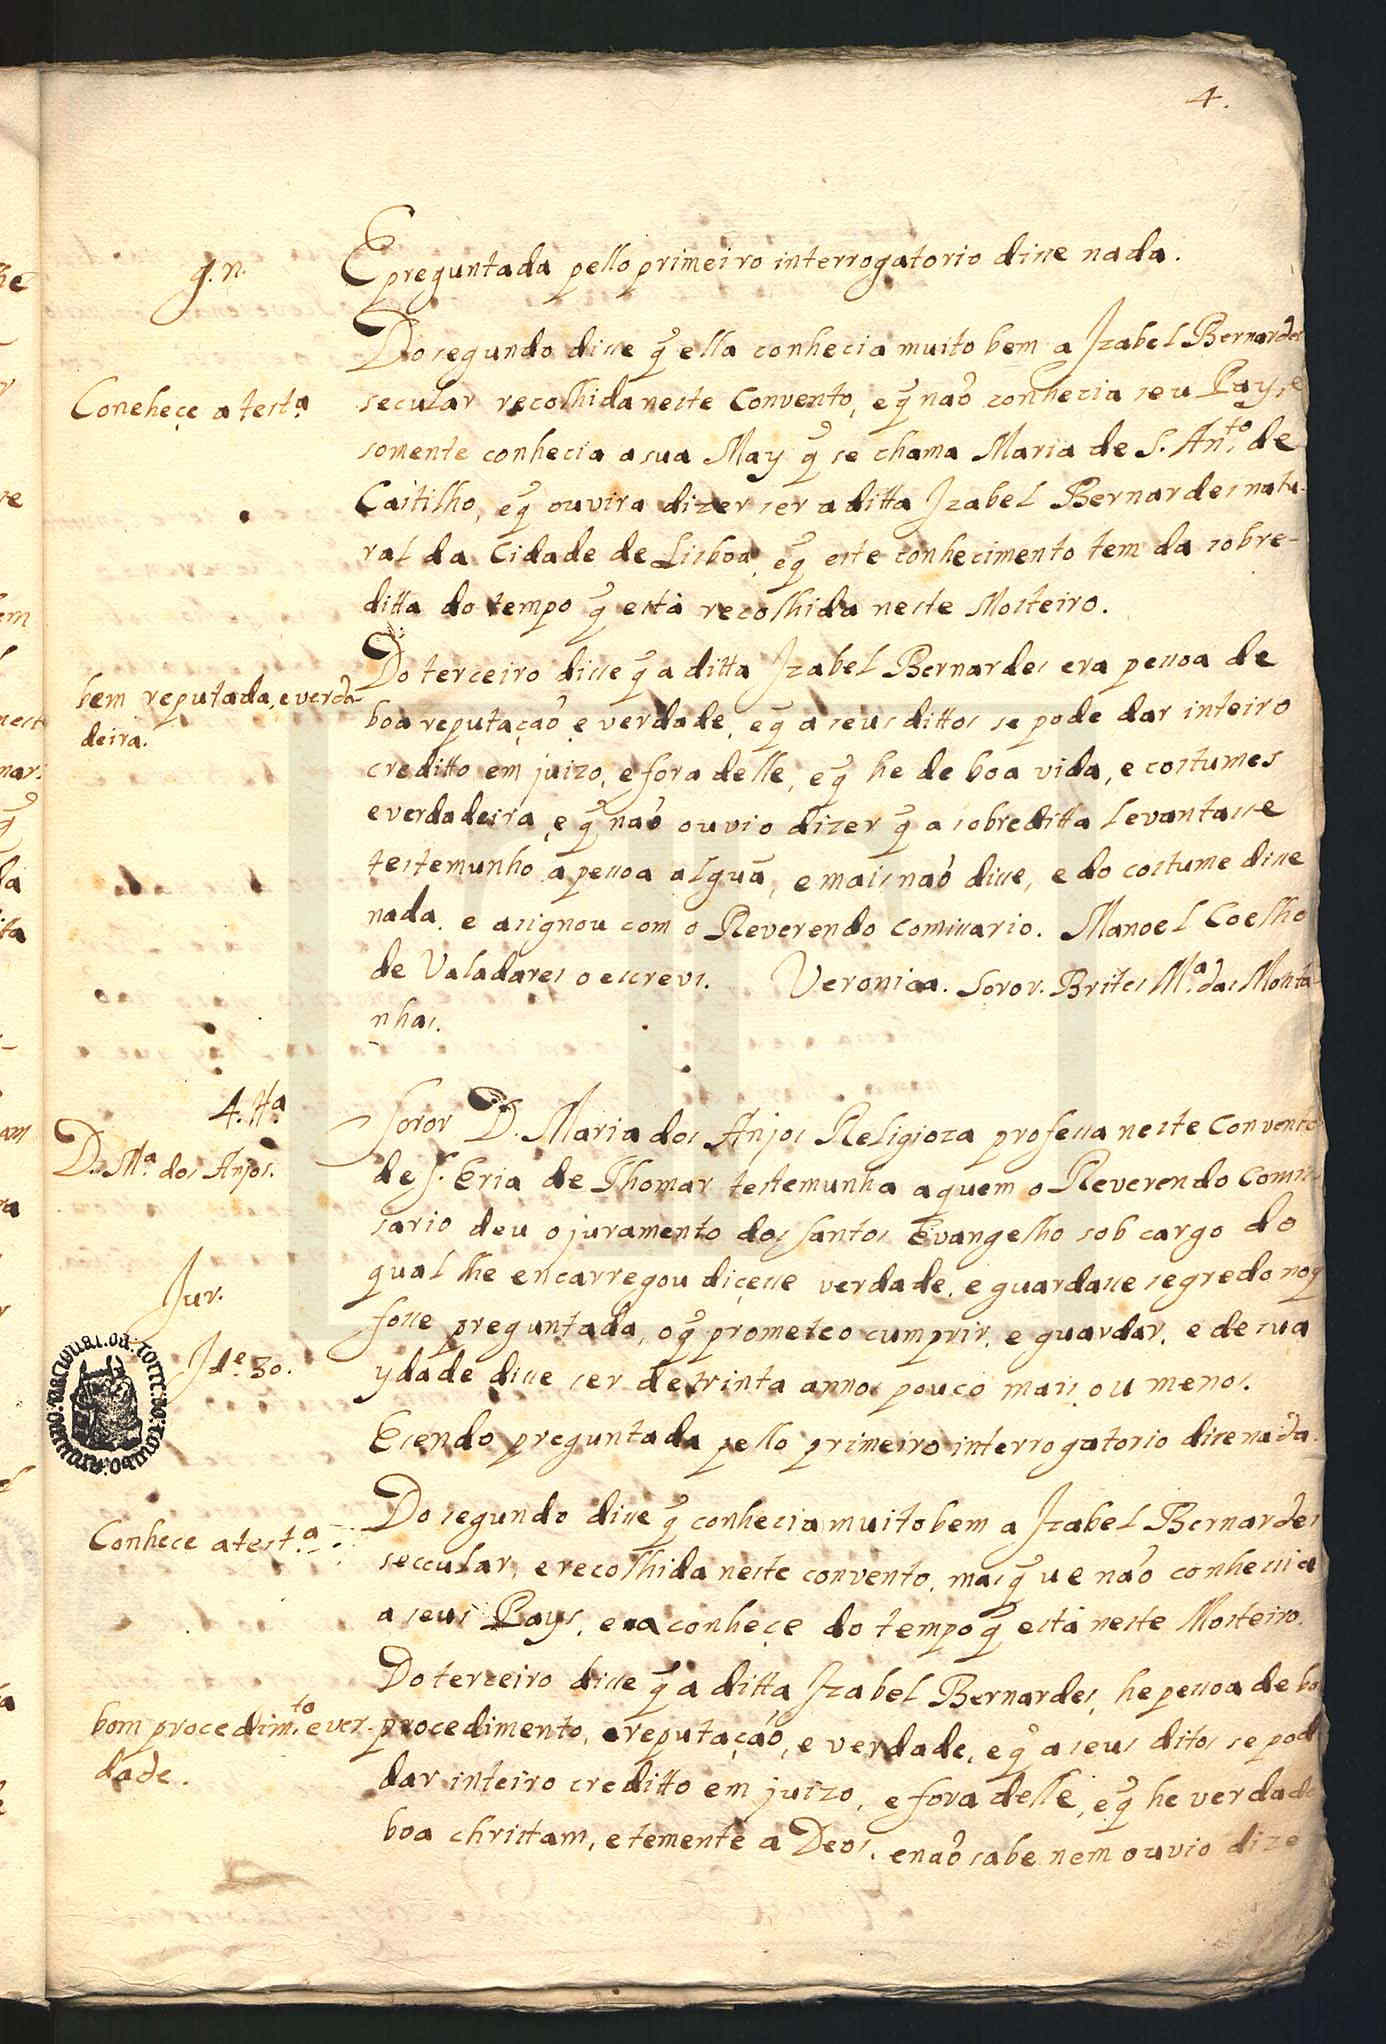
4.
g. n.
E preguntada pello primeiro interrogatorio disse nada.
Do segundo disse q̄ ella conhecia muito bem a Jzabel Bernarda
secular recolhida neste convento, e q̄ naõ conhecia seu Pay, e
Conehece a test.a
somente conhecia a sua May q̄ se chama Maria de S. An.to de
Castilho, e q̄ ouvira dizer ser a ditta Jzabel Bernardes natu
ral da Cidade de Lisboa, e q̄ este conhecimento tem da sobre
ditta do tempo q̄ esta recolhida neste Mosteiro.
Do terceiro disse q̄ a ditta Izabel Bernardes era pessoa de
bem reputada, e verda
deira.
boa reputaçaõ, e verdade, e q̄ a seus dittos se pode dar inteiro
creditto em juizo, e fora delle, e q̄ he de boa vida, e costumes
e verdadeira, e q̄ naõ ouvio dizer q̄ a sobredita levantasse
testemunho a pessoa alguā, e mais naõ disse, e do costume disse
nada, e asignou com o Reverendo comissario. Manoel Coelho
de Valadares o escrevi. Veronica. Soror. Brites M.a das Monta
nhas.
4. tt.a
D. M.a dos Anjos.
Soror D. Maria dos Anjos Religioza professa neste convento
de S. Eria de Thomar testemunha a quem o Reverendo Comi
sario deu o juramento dos santos Evangelho sob cargo do
qual lhe encarregou dicesse verdade, e guardasse segredo no q
Jur.
fosse preguntada, o q̄ prometeo cumprir, e guardar, e de sua
Jd.e 30.
ydade disse ser de trinta annos pouco mais ou menos
E sendo preguntada pello primeiro interrogatorio dise nada
Do segundo disse q̄ conhecia muito bem a Jzabel Bernardes
Conhece a test.a
seccular e recolhida neste convento, mas q̄ue naõ conheciaõ
a seus Pays, e _a conhece do tempo q̄ esta neste Mosteiro.
Do terceiro disse q̄ a ditta Jzabel Bernardes, he pessoa de bo
bom procedim.to e ver
dade.
procedimento, e _reputaçaõ, e verdade, e q̄ a seus ditos se pod
dar inteiro creditto em juizo, e fora delle, e q̄ he verdade
boa christam, e temente a Deos. e naõ sabe nem ouvio dize
